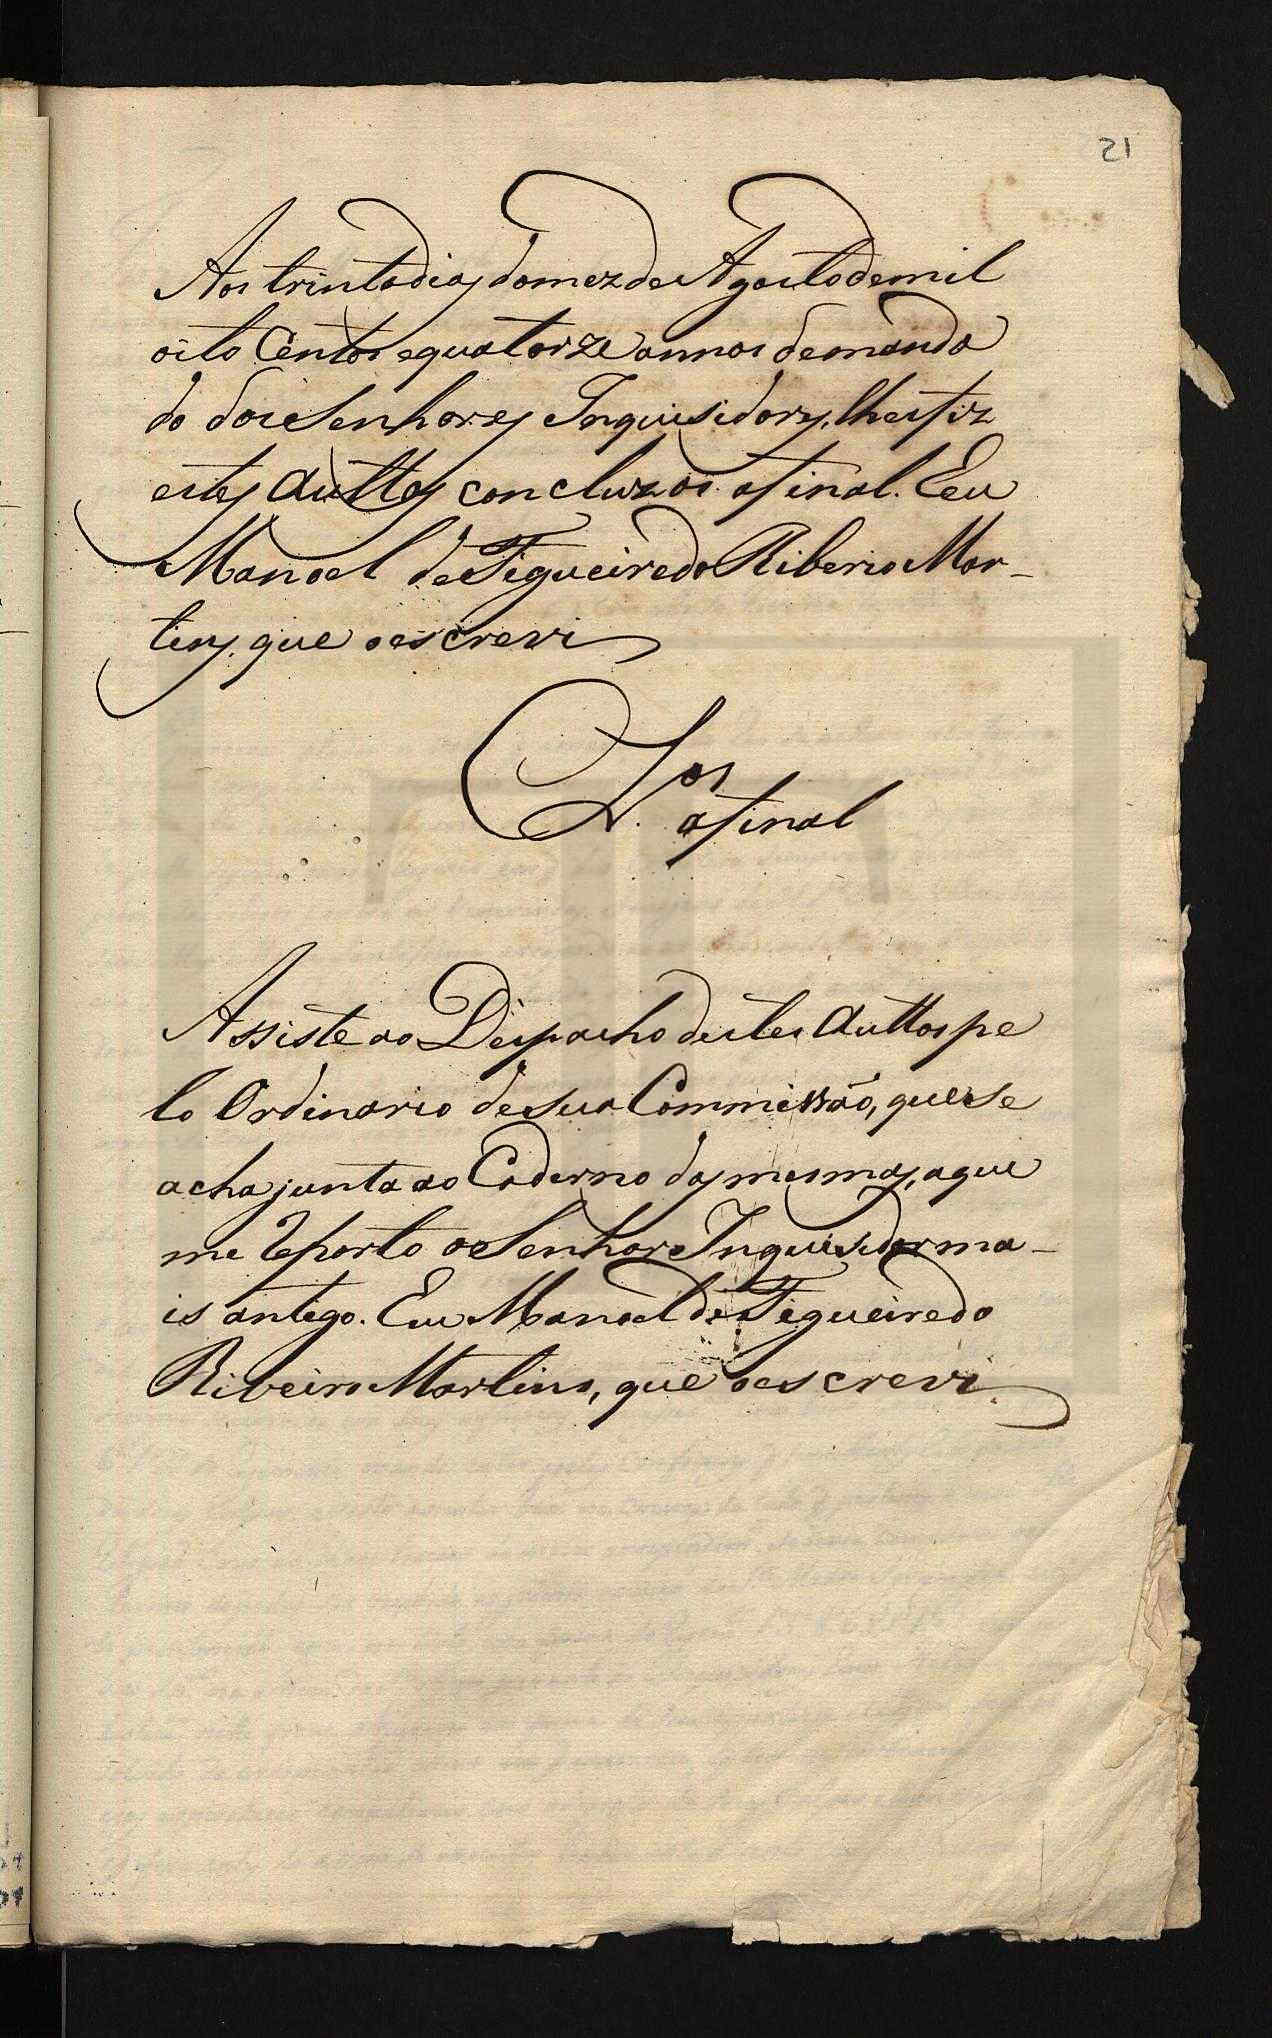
Aos trinta dias do mez de Agosto de mil
oitoCentos e quatorze annos de manda
do dos Senhores Inquisidores, lhes fiz
estes auttos concluzos afinal. E eu
Manoel de Figueiredo Riberio Mar
tins, que o escrevi
CL.os afinal
Assiste ao Despacho destes Auttos pe
lo Ordinario de Sua Commissaõ, que se
acha junta ao Caderno das mesmas, a que
me Reporto o Senhor Inquisidor ma
es antigo. E eu Manoel de Figueiredo
Riveiro Martins, que o escrevi.
